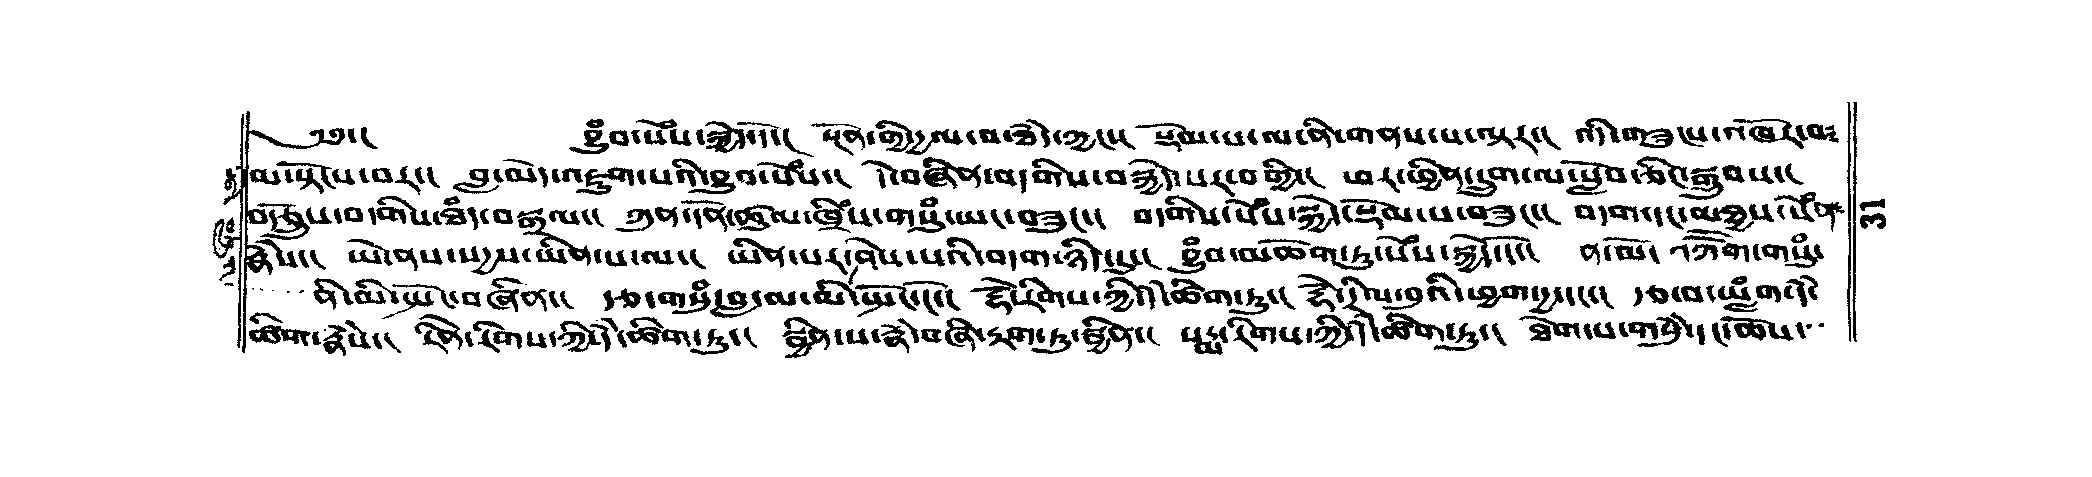བྱང་ཆུབ་སེམས་སྐྱེད་དོ། སྔོན་གྱི་རྒྱལ་བ་ཐམས་ཅད་ཀྱང་། སྡོམ་པ་ནལ་ནི་གནས་པ་ལྟར། འདི་གཟུངས་འཁོར་བ་
མ་སྟོངས་བར། བླ་མེད་འཇུག་པའི་བྱང་ཆུབ་སེམས། དེ་བཞིན་བདག་གིས་བསྐྱེད་པར་བགྱི། ཕན་ཕྱིན་དྲུག་ལ་སློབ་ཅིང་སྒྲུབས། 
བརྩོན་གྲུས་བདག་གིས་ཐམས་ཅད་བསྒྲལ། ཀུན་དོན་ཚུལ་ཁྲིམས་གསུམ་ཡང་བཟུང་། བདག་གིས་སེམས་སྐྱེད་སྡོམ་པ་བཟུང་། བདག་དང་མཐུ་རྒྱས་སེམས་ཅན་
རྣམས། ཡེ་ནས་སངས་རྒྱས་ཡིན་པ་ལ། ཡིན་པར་ཤེས་པའི་བདག་ཉིད་དུ། བྱང་ཆུབ་མཆོག་ཏུ་སེམས་སྐྱེད་དོ། ན་མོ་དཀོན་མཆོག་གསུམ་
ནི་མི་སྤོང་བཞིན། རྩ་གསུམ་བླ་མ་ཡི་སྤོང་ངོ་། རྡོ་རྗེ་རིགས་ཀྱི་དེམ་ཚིག་ཏུ། རྡོ་རྗེ་དྲིལ་བུའི་ཕྱག་རྒྱ་དང་། རྩ་བ་ཡན་ལག་དམ་
ཚིག་རྣམས། རིན་ཆེན་རིགས་ཀྱི་དམ་ཚིག་ཏུ། སྦྱིན་པ་རྣམ་བཞི་རྟག་ཏུ་སྦྱིན། པདྨ་རིགས་ཀྱི་དམ་ཚིག་ཏུ། ཐེག་པ་གསུམ་དང་ཆོས་